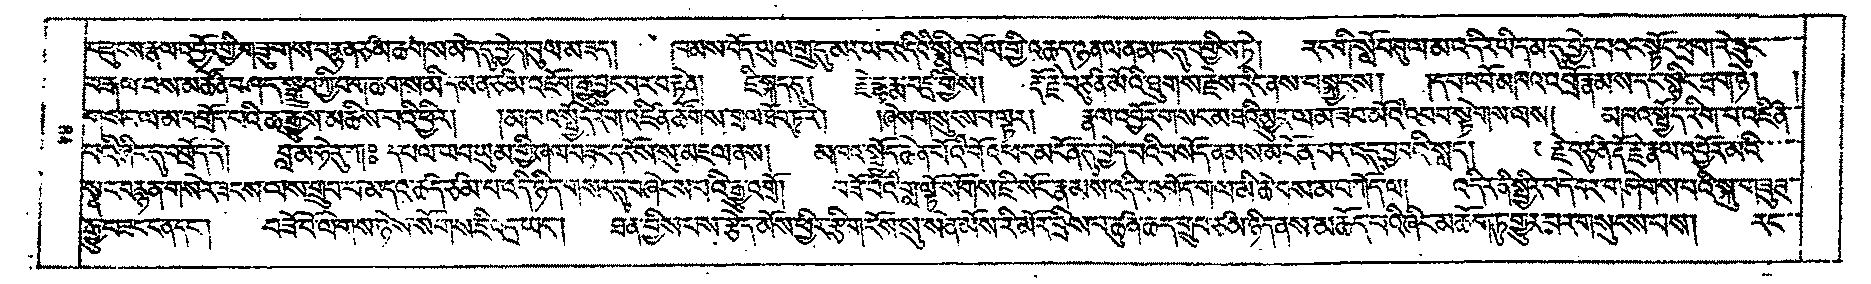བཟུངས་རྣལ་འབྱོར་གྱི་གཟུགས་བརྙན་ཙམ་ཆགས་མེད་དུ་བྱེད་ཁུལ་མ་ཟད། ཁམས་བོད་ཡུལ་གྲུ་དུ་མར་ཡང་འདིའི་སྨིན་གྲོལ་གྱི་འཆད་ཉན་ལན་མང་དུ་བགྱིས་ཏེ། རང་གི་སློབ་བུ་ལམ་འདིར་ཡི་དམ་དུ་བྱེད་པའང་སྟོང་ཕྲག་རེ་ཟུང་
བརྒལ་བས་མཚོན་བཤད་སྒྲུབ་ཀྱི་བག་ཆགས་མི་དམན་ཙམ་འཇོག་རྒྱུ་བྱུང་བར་བརྟེན། ཇི་སྐད་དུ། རྗེ་དྷརྨ་བཛྲ་གྱིས། རྡོ་རྗེ་བཙུན་མོའི་ཐུགས་རྗེས་རིང་ནས་བསྐྱངས། །དཔའ་བོ་མཁའ་འགྲོ་རྣམས་དང་སྙིང་ཐག་ཉེ། །
གསང་ལམ་བགྲོད་པའི་ཆ་རྒྱུས་མཆིས་པའི་ཕྱིར། །མཁའ་སྤྱོད་རིག་འཛིན་ཚོགས་གྲལ་ཐོབ་ཏུ་རེ། །ཞེས་གསུངས་པ་ལྟར། རྣལ་འབྱོར་གསང་མཐའི་མྱུར་ལམ་ཟབ་མོའི་འབབ་སྟེགས་ལས། མཁའ་སྤྱོད་རིག་པ་འཛིན་
པའི་ཞིང་དུ་བགྲོད་དེ། བླ་མ་ཧེ་རུ་ཀཿ དཔལ་ཡབ་ཡུམ་གྱི་ཞལ་བཟང་དངོས་སུ་མཇལ་ནས། མཁའ་སྤྱོད་ཆེན་པོའི་གོ་འཕང་མངོན་དུ་བྱེད་པའི་བསོད་ནམས་མངོན་པར་འདུ་བྱ་བའི་སླད། ༈ རྗེ་བཙུན་རྡོ་རྗེ་རྣལ་འབྱོར་མའི་
སྣང་བརྙན་གསེར་ཟངས་ལས་གྲུབ་པ་མདའ་ཚད་ཙམ་པ་འདི་ཉིད་གསར་དུ་བཞེངས་པའི་རྒྱུ་འགྲོ། བཟོ་བོའི་གླ་ལྟོ་སོགས་ཇི་སོང་རྣམས་འདིར་འགོད་གལ་མི་ཆེ་བས་མ་བཀོད་ལ། འདིར་ནི་སྤྱིར་བདེ་བར་གཤེགས་པའི་སྐུ་གཟུགས་
རྒྱུ་བཟང་ངན་དང་། བཟོ་པོ་ལེགས་ཉེས་སོགས་ཇི་འདྲ་ཡང་། ཐ་ན་བྱིས་པས་རྩེད་མོས་ཕྱིར་རྩིག་ངོས་སུ་སེན་མོས་རི་མོར་བྲིས་པ་ཚུན་ཆད་གྲུབ་ཙམ་ཉིད་ནས་མཆོད་པའི་ཞིང་མཆོག་ཏུ་གྱུར་པར་གསུངས་པས། རང་